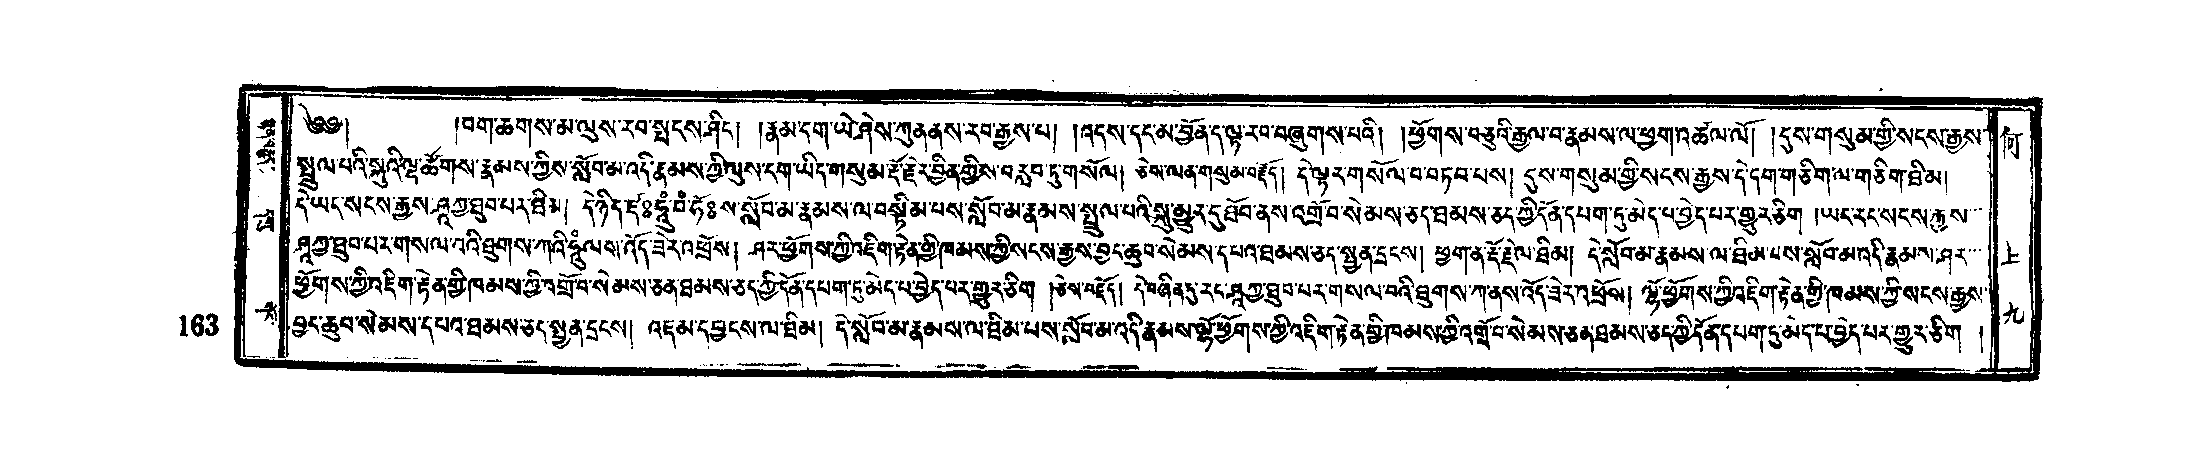༄༅། །བག་ཆགས་མ་ལུས་རབ་སྤངས་ཤིང་། །རྣམ་དག་ཡེ་ཤེས་ཀུན་ནས་རབ་རྒྱས་པ། །འདས་དང་མ་བྱོན་ད་ལྟ་རབ་བཞུགས་པའི། །ཕྱོགས་བཅུའི་རྒྱལ་བ་རྣམས་ལ་ཕྱག་འཚལ་ལོ། །དུས་གསུམ་གྱི་སངས་རྒྱས་
སྤྲུལ་པའི་སྐུའི་ལྷ་ཚོགས་རྣམས་ཀྱིས་སློབ་མ་འདི་རྣམས་ཀྱི་ལུས་ངག་ཡིད་གསུམ་རྡོ་རྗེར་བྱིན་གྱིས་བརླབ་ཏུ་གསོལ། ཅེས་ལན་གསུམ་བརྗོད། དེ་ལྟར་གསོལ་བ་བཏབ་པས། དུས་གསུམ་གྱི་སངས་རྒྱས་དེ་དག་གཅིག་ལ་གཅིག་ཐིམ།
དེ་ཡང་སངས་རྒྱས་ཤཱཀྱ་ཐུབ་པར་ཐིམ། དེ་ཉིད་ཛཿ ཧཱུཾ་བཾ་ཧོཿ ས་སློབ་མ་རྣམས་ལ་བསྟིམ་པས་སློབ་མ་རྣམས་སྤྲུལ་པའི་སྐུ་མྱུར་དུ་ཐོབ་ནས་འགྲོ་བ་སེམས་ཅན་ཐམས་ཅད་ཀྱི་དོན་དཔག་ཏུ་མེད་པ་བྱེད་པར་གྱུར་ཅིག །ཡང་རང་སངས་རྒྱས་
ཤཱཀྱ་ཐུབ་པར་གསལ་བའི་ཐུགས་ཀའི་ཧཱུཾ་ལས་འོད་ཟེར་འཕྲོས། ཤར་ཕྱོགས་ཀྱི་འཇིག་རྟེན་གྱི་ཁམས་ཀྱི་སངས་རྒྱས་བྱང་ཆུབ་སེམས་དཔའ་ཐམས་ཅད་སྤྱན་དྲངས། ཕྱག་ན་རྡོ་རྗེ་ལ་ཐིམ། དེ་སློབ་མ་རྣམས་ལ་ཐིམ་པས་སློབ་མ་འདི་རྣམས་ཤར་
ཕྱོགས་ཀྱི་འཇིག་རྟེན་གྱི་ཁམས་ཀྱི་འགྲོ་བ་སེམས་ཅན་ཐམས་ཅད་ཀྱི་དོན་དཔག་ཏུ་མེད་པ་བྱེད་པར་གྱུར་ཅིག །ཅེས་བརྗོད། དེ་བཞིན་དུ་རང་ཤཱཀྱ་ཐུབ་པར་གསལ་བའི་ཐུགས་ཀ་ནས་འོད་ཟེར་འཕྲོས། ལྷོ་ཕྱོགས་ཀྱི་འཇིག་རྟེན་གྱི་ཁམས་ཀྱི་སངས་རྒྱས་
བྱང་ཆུབ་སེམས་དཔའ་ཐམས་ཅད་སྤྱན་དྲངས། འཇམ་དབྱངས་ལ་ཐིམ། དེ་སློབ་མ་རྣམས་ལ་ཐིམ་པས་སློབ་མ་འདི་རྣམས་ལྷོ་ཕྱོགས་ཀྱི་འཇིག་རྟེན་གྱི་ཁམས་ཀྱི་འགྲོ་བ་སེམས་ཅན་ཐམས་ཅད་ཀྱི་དོན་དཔག་ཏུ་མེད་པ་བྱེད་པར་གྱུར་ཅིག །